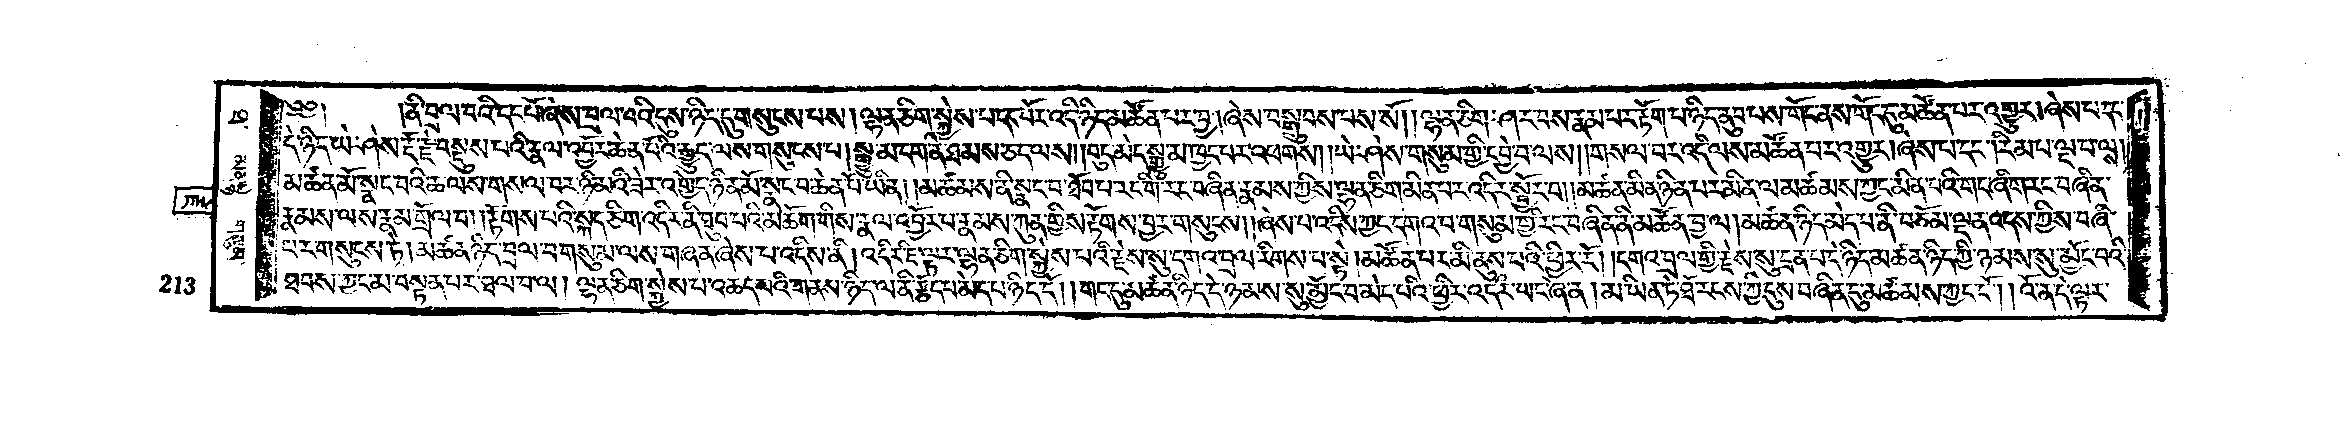༄༅། །ནི་བྲལ་བའི་དང་པོ་ཞེས་བྲལ་བའི་དུས་ཉིད་དུ་གསུངས་པས། ལྷན་ཅིག་སྐྱེས་པ་དང་པོར་འདི་ཉིད་མཚོན་པར་བྱ། ཞས་བསྒྲུབས་པས་སོ། །ལྷན་ཅིག་ཤར་བས་རྣམ་པར་རྟོག་པ་ཉིད་ནུབ་པས་གོང་ནས་གོང་དུ་མཚོན་པར་འགྱུར། ཞེས་པ་དང་
དེ་ཉིད་ཡེ་ཤེས་རྡོ་རྗེ་བསྡུས་པའི་རྣལ་འབྱོར་ཆེན་པོའི་རྒྱུད་ལས་གསུངས་པ། སྒྱུ་མ་དག་ནི་ཐམས་ཅད་ལས། །བུད་མེད་སྒྱུ་མ་ཁྱད་པར་འཕགས། །ཡེ་ཤེས་གསུམ་གྱི་དབྱེ་བ་ལས། །གསལ་བར་འདི་ལས་མཚོན་པར་འགྱུར། ཞེས་པ་དང་། རིམ་པ་ལྔ་པ་ལས།
མཚན་མོ་སྣང་བའི་ཆ་ལས་གསལ་བར་ཉི་མའི་ཟེར་འགྱེད་ཉིན་མོ་སྣང་བ་ཆེན་པོ་ཡིན། །མཚམས་ནི་སྣང་བ་ཐོབ་པ་རང་གི་རང་བཞིན་རྣམས་ཀྱིས་ལྷན་ཅིག་མིན་པར་འདིར་སྦྱོར་བ། །མཚན་མིན་ཉིན་པར་མིན་ལ་མཚམས་ཀྱང་མིན་པའི་གང་ཞིག་རང་བཞིན་
རྣམས་ལས་རྣམ་གྲོལ་བ། །རྟོགས་པའི་སྐད་ཅིག་འདིར་ནི་ཐུབ་པའི་མཆོག་གིས་རྣལ་འབྱོར་པ་རྣམས་ཀུན་གྱིས་རྟོགས་བྱར་གསུངས། །ཞེས་པ་འདིས་ཀྱང་དགའ་བ་གསུམ་གྱི་རང་བཞིན་ནི་མཚོན་བྱ་ལ། མཚན་ཉིད་མེད་པ་ནི་བཅོམ་ལྡན་འདས་ཀྱིས་བཞི་
པར་གསུངས་ཏེ། མཚན་ཉིད་བྲལ་བ་གསུམ་ལས་གཞན་ཞེས་པ་འདིས་ནི། འདིར་ཇི་ལྟར་ལྷན་ཅིག་སྐྱེས་པའི་རྗེས་སུ་དགའ་བྲལ་རིགས་པ་སྟེ། མཚོན་པར་མི་ནུས་པའི་ཕྱིར་རོ། །དགའ་བྲལ་གྱི་རྗེས་སུ་དྲན་པ་དེ་ཉིད་མཚན་ཉིད་ཀྱི་ཉམས་སུ་མྱོང་བའི་
ཐབས་ཀྱང་མ་བསྟན་པར་ཐལ་བ་ལ། ལྷན་ཅིག་སྐྱེས་པ་འཆད་པའི་གནས་ཉིད་ལ་ནི་རྩོད་པ་མེད་པ་ཉིད་དོ། །གང་དུ་མཚན་ཉིད་དེ་ཉམས་སུ་མྱོང་བ་མེད་པའི་ཕྱིར་འདིར་ཡང་ཞེ་ན། མ་ཡིན་ཏེ་ཐོ་རངས་ཀྱི་དུས་བཞིན་དུ་མཚམས་ཀྱང་ངོ། །འོ་ན་དེ་ལྟར་